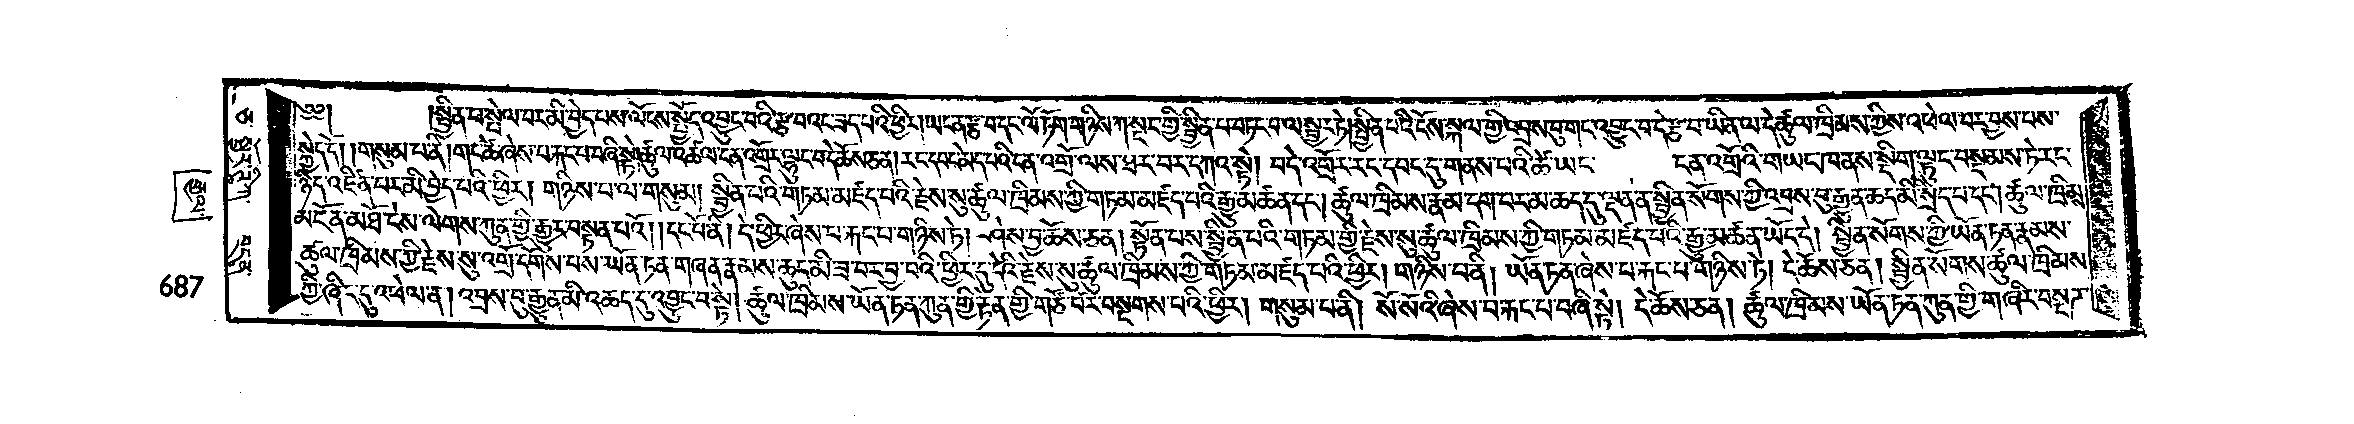༄༅། །སྦྱིན་བ་སྤེལ་བར་མི་བྱེད་པས་ལོངས་སྤྱོད་འབྱུང་བའི་རྩ་བའང་ཟད་པའི་ཕྱིར། ཡང་ན་རྩ་བ་དང་ལོ་ཏོག་གཉིས་ཀ་སྔར་གྱི་སྦྱིན་པ་བཏང་བ་ལ་སྦྱར་ཏེ། སྦྱིན་པའི་ངོས་སྐལ་གྱི་འབྲས་བུ་གང་འབྱུང་བ་དེ་རྩ་བ་ཡིན་ལ་དེ་ཚུལ་ཁྲིམས་ཀྱིས་འཕེལ་བར་བྱས་པས་
སྐྱེད་དོ། །གསུམ་པ་ནི། གང་ཚེ་ཞེས་པ་རྐང་པ་བཞི་སྟེ་ཚུལ་འཚལ་ངན་འགྲོར་ལྷུང་བདེ་ཆོས་ཅན། རང་དབང་མེད་པའི་ངན་འགྲོ་ལས་ཐར་བར་དཀའ་སྟེ། བདེ་འགྲོར་རང་དབང་དུ་གནས་པའི་ཚེ་ཡང་ངན་འགྲོའི་གཡང་ཁ་ནས་སྡིག་ལྟུང་བསྡམས་ཏེ་རང་
ཉིད་འཛིན་པར་མི་བྱེད་པའི་ཕྱིར། གཉིས་པ་ལ་གསུམ། སྦྱིན་པའི་གཏམ་མཛད་པའི་རྗེས་སུ་ཚུལ་ཁྲིམས་ཀྱི་གཏམ་མཛད་པའི་རྒྱུ་མཚན་དང་། ཚུལ་ཁྲིམས་རྣམ་དག་པར་མ་ཆད་དུ་ལྡན་ན་སྦྱིན་སོགས་ཀྱི་འབྲས་བུ་རྒྱུན་ཆད་མི་སྲིད་པ་དང་། ཚུལ་ཁྲིམས་
མངོན་མཐོ་ངེས་ལེགས་ཀུན་གྱི་རྒྱུར་བསྟན་པའོ། །དང་པོ་ནི། དེ་ཕྱིར་ཞེས་པ་རྐང་པ་གཉིས་ཏེ། ཤེས་བྱ་ཆོས་ཅན། སྟོན་པས་སྦྱིན་པའི་གཏམ་གྱི་རྗེས་སུ་ཚུལ་ཁྲིམས་ཀྱི་གཏམ་མཛད་པའི་རྒྱུ་མཚན་ཡོད་དེ། སྦྱིན་སོགས་ཀྱི་ཡོན་ཏན་རྣམས་
ཚུལ་ཁྲིམས་ཀྱི་རྗེས་སུ་འགྲོ་དགོས་པས་ཡོན་ཏན་གཞན་རྣམས་ཆུད་མི་ཟ་བར་བྱ་བའི་ཕྱིར་དུ་དེའི་རྗེས་སུ་ཚུལ་ཁྲིམས་ཀྱི་གཏམ་མཛད་པའི་ཕྱིར། གཉིས་པ་ནི། ཡོན་ཏན་ཞེས་པ་རྐང་པ་གཉིས་ཏེ། དེ་ཆོས་ཅན། སྦྱིན་སོགས་ཚུལ་ཁྲིམས་
ཀྱི་ཞིང་དུ་འཕེལ་ན། འབྲས་བུ་རྒྱུན་མི་འཆད་དུ་འབྱུང་བ་སྟེ། ཚུལ་ཁྲིམས་ཡོན་ཏན་ཀུན་གྱི་རྟེན་གྱི་གཙོ་བོར་བསྔགས་པའི་ཕྱིར། གསུམ་པ་ནི། སོ་སོའི་ཞེས་པ་རྐང་པ་བཞི་སྟེ། དེ་ཆོས་ཅན། ཚུལ་ཁྲིམས་ཡོན་ཏན་ཀུན་གྱི་གཞིར་བསྔགས་